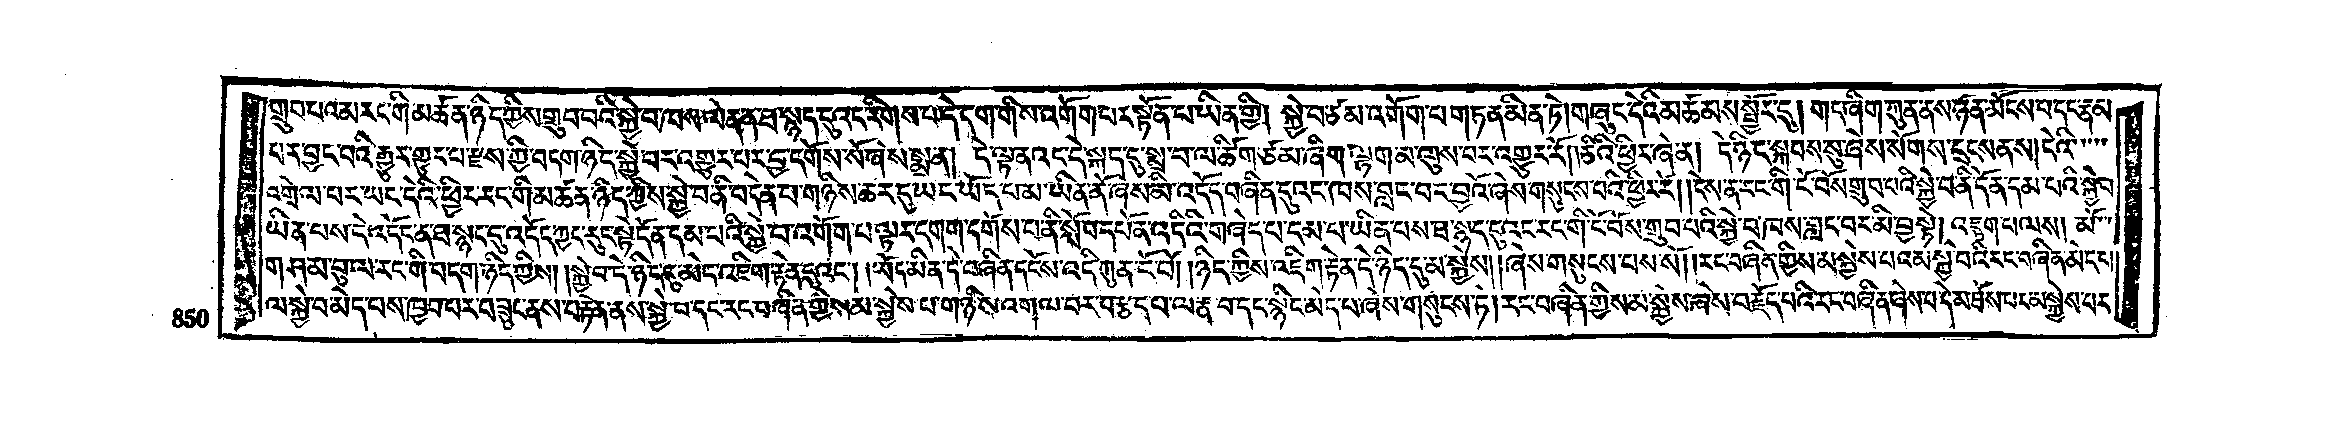གྲུབ་པའམ་རང་གི་མཚན་ཉིད་ཀྱིས་གྲུབ་པའི་སྐྱེ་བ་ཁས་ལེན་ན་ཐ་སྙད་དུའང་རིགས་པ་དེ་དག་གིས་འགོག་པར་སྟོན་པ་ཡིན་གྱི། སྐྱེ་བ་ཙམ་འགོག་པ་གཏན་མིན་ཏེ། གཞུང་དེའི་མཚམས་སྦྱོར་དུ། གང་ཞིག་ཀུན་ནས་ཉོན་མོངས་པ་དང་རྣམ་
པར་བྱང་བའི་རྒྱུར་གྱུར་པ་རྫས་ཀྱི་བདག་ཉིད་སྐྱེ་བར་འགྱུར་བར་བྱ་དགོས་སོ་ཞེས་སྨྲ་ན། དེ་ལྟ་ནའང་དེ་སྐད་དུ་སྨྲ་བ་ལ་ཚིག་ཙམ་ཞིག་ལྷག་མ་ལུས་པར་འགྱུར་རོ། །ཅིའི་ཕྱིར་ཞེ་ན། དེ་ཉིད་སྐབས་སུ་ཞེས་སོགས་དྲངས་ནས། དེའི་
འགྲེལ་པར་ཡང་དེའི་ཕྱིར་རང་གི་མཚན་ཉིད་ཀྱིས་སྐྱེ་བ་ནི་བདེན་པ་གཉིས་ཆར་དུ་ཡང་ཡོད་པ་མ་ཡིན་ནོ་ཞེས་མི་འདོད་བཞིན་དུའང་ཁས་བླང་བར་བྱའོ་ཞེས་གསུངས་པའི་ཕྱིར་རོ། །དེས་ན་རང་གི་ངོ་བོས་གྲུབ་པའི་སྐྱེ་བ་ནི་དོན་དམ་པའི་སྐྱེ་བ་
ཡིན་པས་དེ་འདོད་ན་ཐ་སྙད་དུ་འདོད་ཀྱང་རུང་སྟེ་དོན་དམ་པའི་སྐྱེ་བ་འགོག་པ་ལྟར་དགག་དགོས་པ་ནི་སློབ་དཔོན་འདིའི་བཞེད་པ་དམ་པ་ཡིན་པས་ཐ་སྙད་དུའང་རང་གི་ངོ་བོས་གྲུབ་པའི་སྐྱེ་བ་ཁས་བླང་བར་མི་བྱ་སྟེ། འཇུག་པ་ལས། མོ་
གཤམ་བུ་ལ་རང་གི་བདག་ཉིད་ཀྱིས། །སྐྱེ་བ་དེ་ཉིད་དུ་མེད་འཇིག་རྟེན་དུའང་། །ཡོད་མིན་དེ་བཞིན་དངོས་འདི་ཀུན་ངོ་བོ། །ཉིད་ཀྱིས་འཇིག་རྟེན་དེ་ཉིད་དུ་མ་སྐྱེས། །ཞེས་གསུངས་པས་སོ། །རང་བཞིན་གྱིས་མ་སྐྱེས་པའམ་སྐྱེ་བའི་རང་བཞིན་མེད་པ་
ལ་སྐྱེ་བ་མེད་པས་ཁྱབ་པར་བཟུང་ནས་བརྟེན་ནས་སྐྱེ་བ་དང་རང་བཞིན་གྱིས་མ་སྐྱེས་པ་གཉིས་འགལ་བར་བརྩད་པ་ལ་རྣ་བ་དང་སྙིང་མེད་པ་ཞེས་གསུངས་ཏེ། རང་བཞིན་གྱིས་མ་སྐྱེས་ཞེས་བརྗོད་པའི་རང་བཞིན་ཞེས་པ་དེ་མ་ཐོས་པར་མ་སྐྱེས་པར་